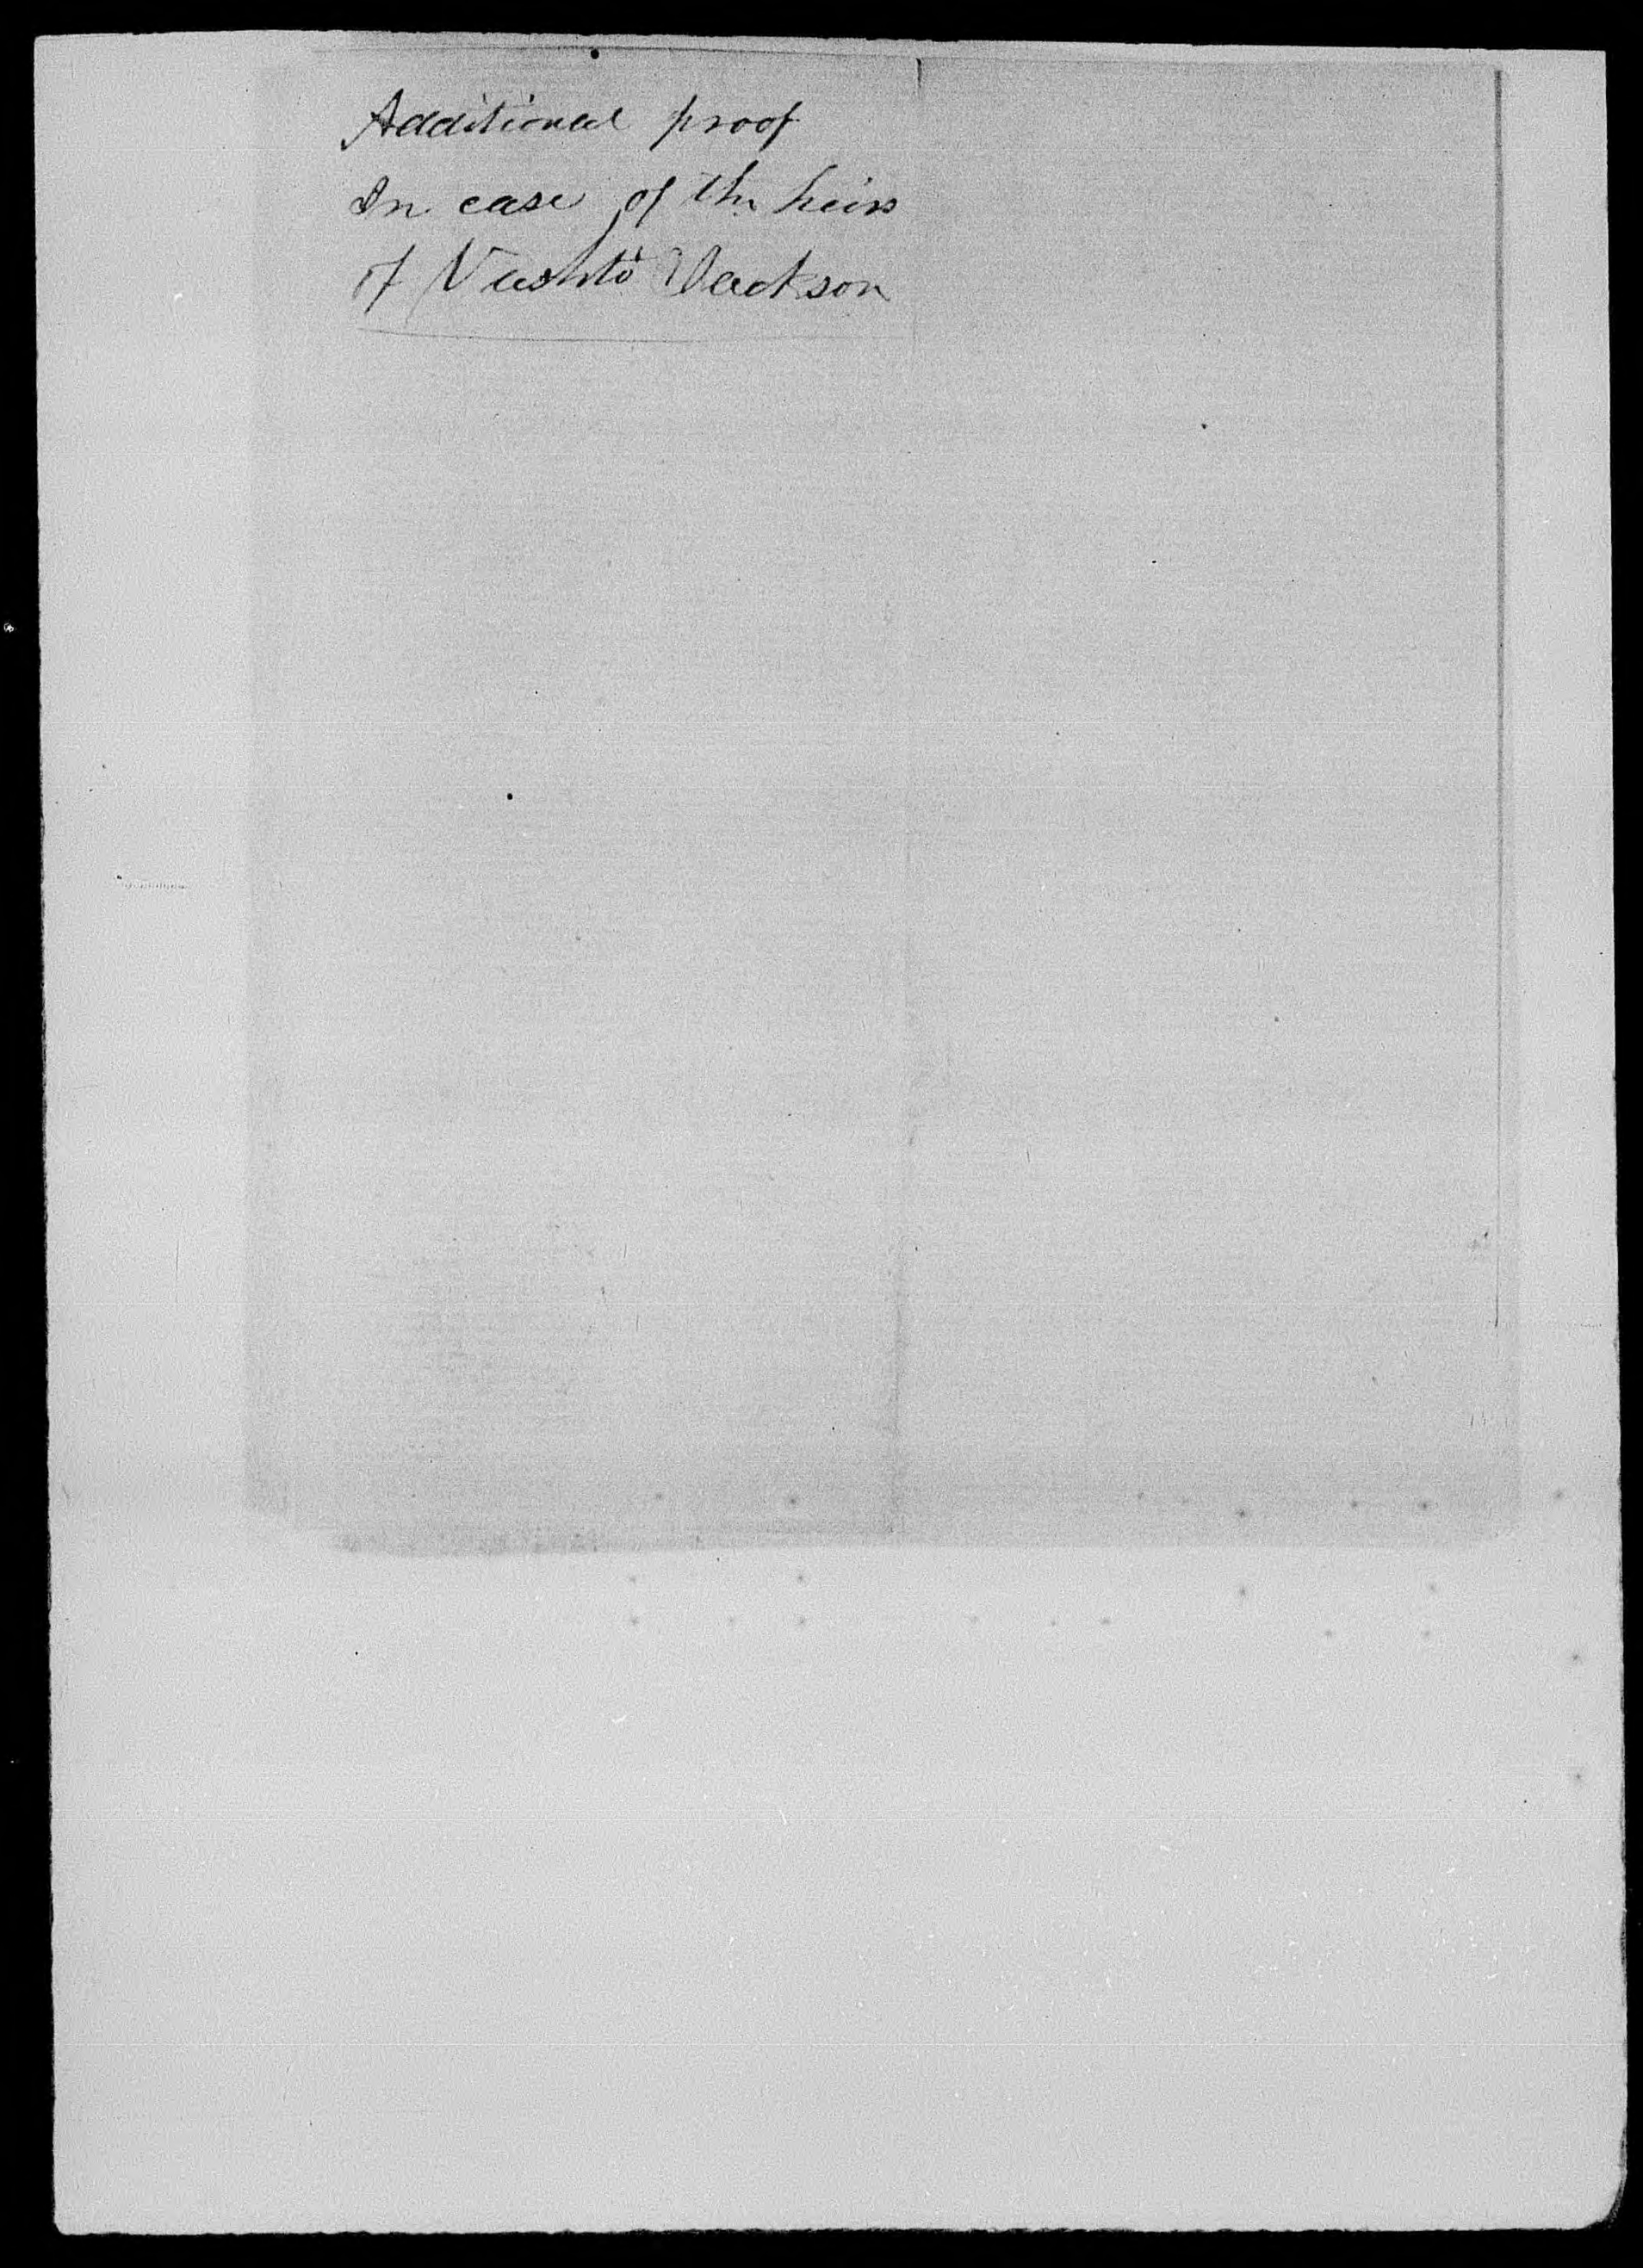Additional proof
In case of the heirs
of Vashti Jackson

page: 15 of 56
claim: rejected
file: R 5529, for Samuel Jackson, Virginia